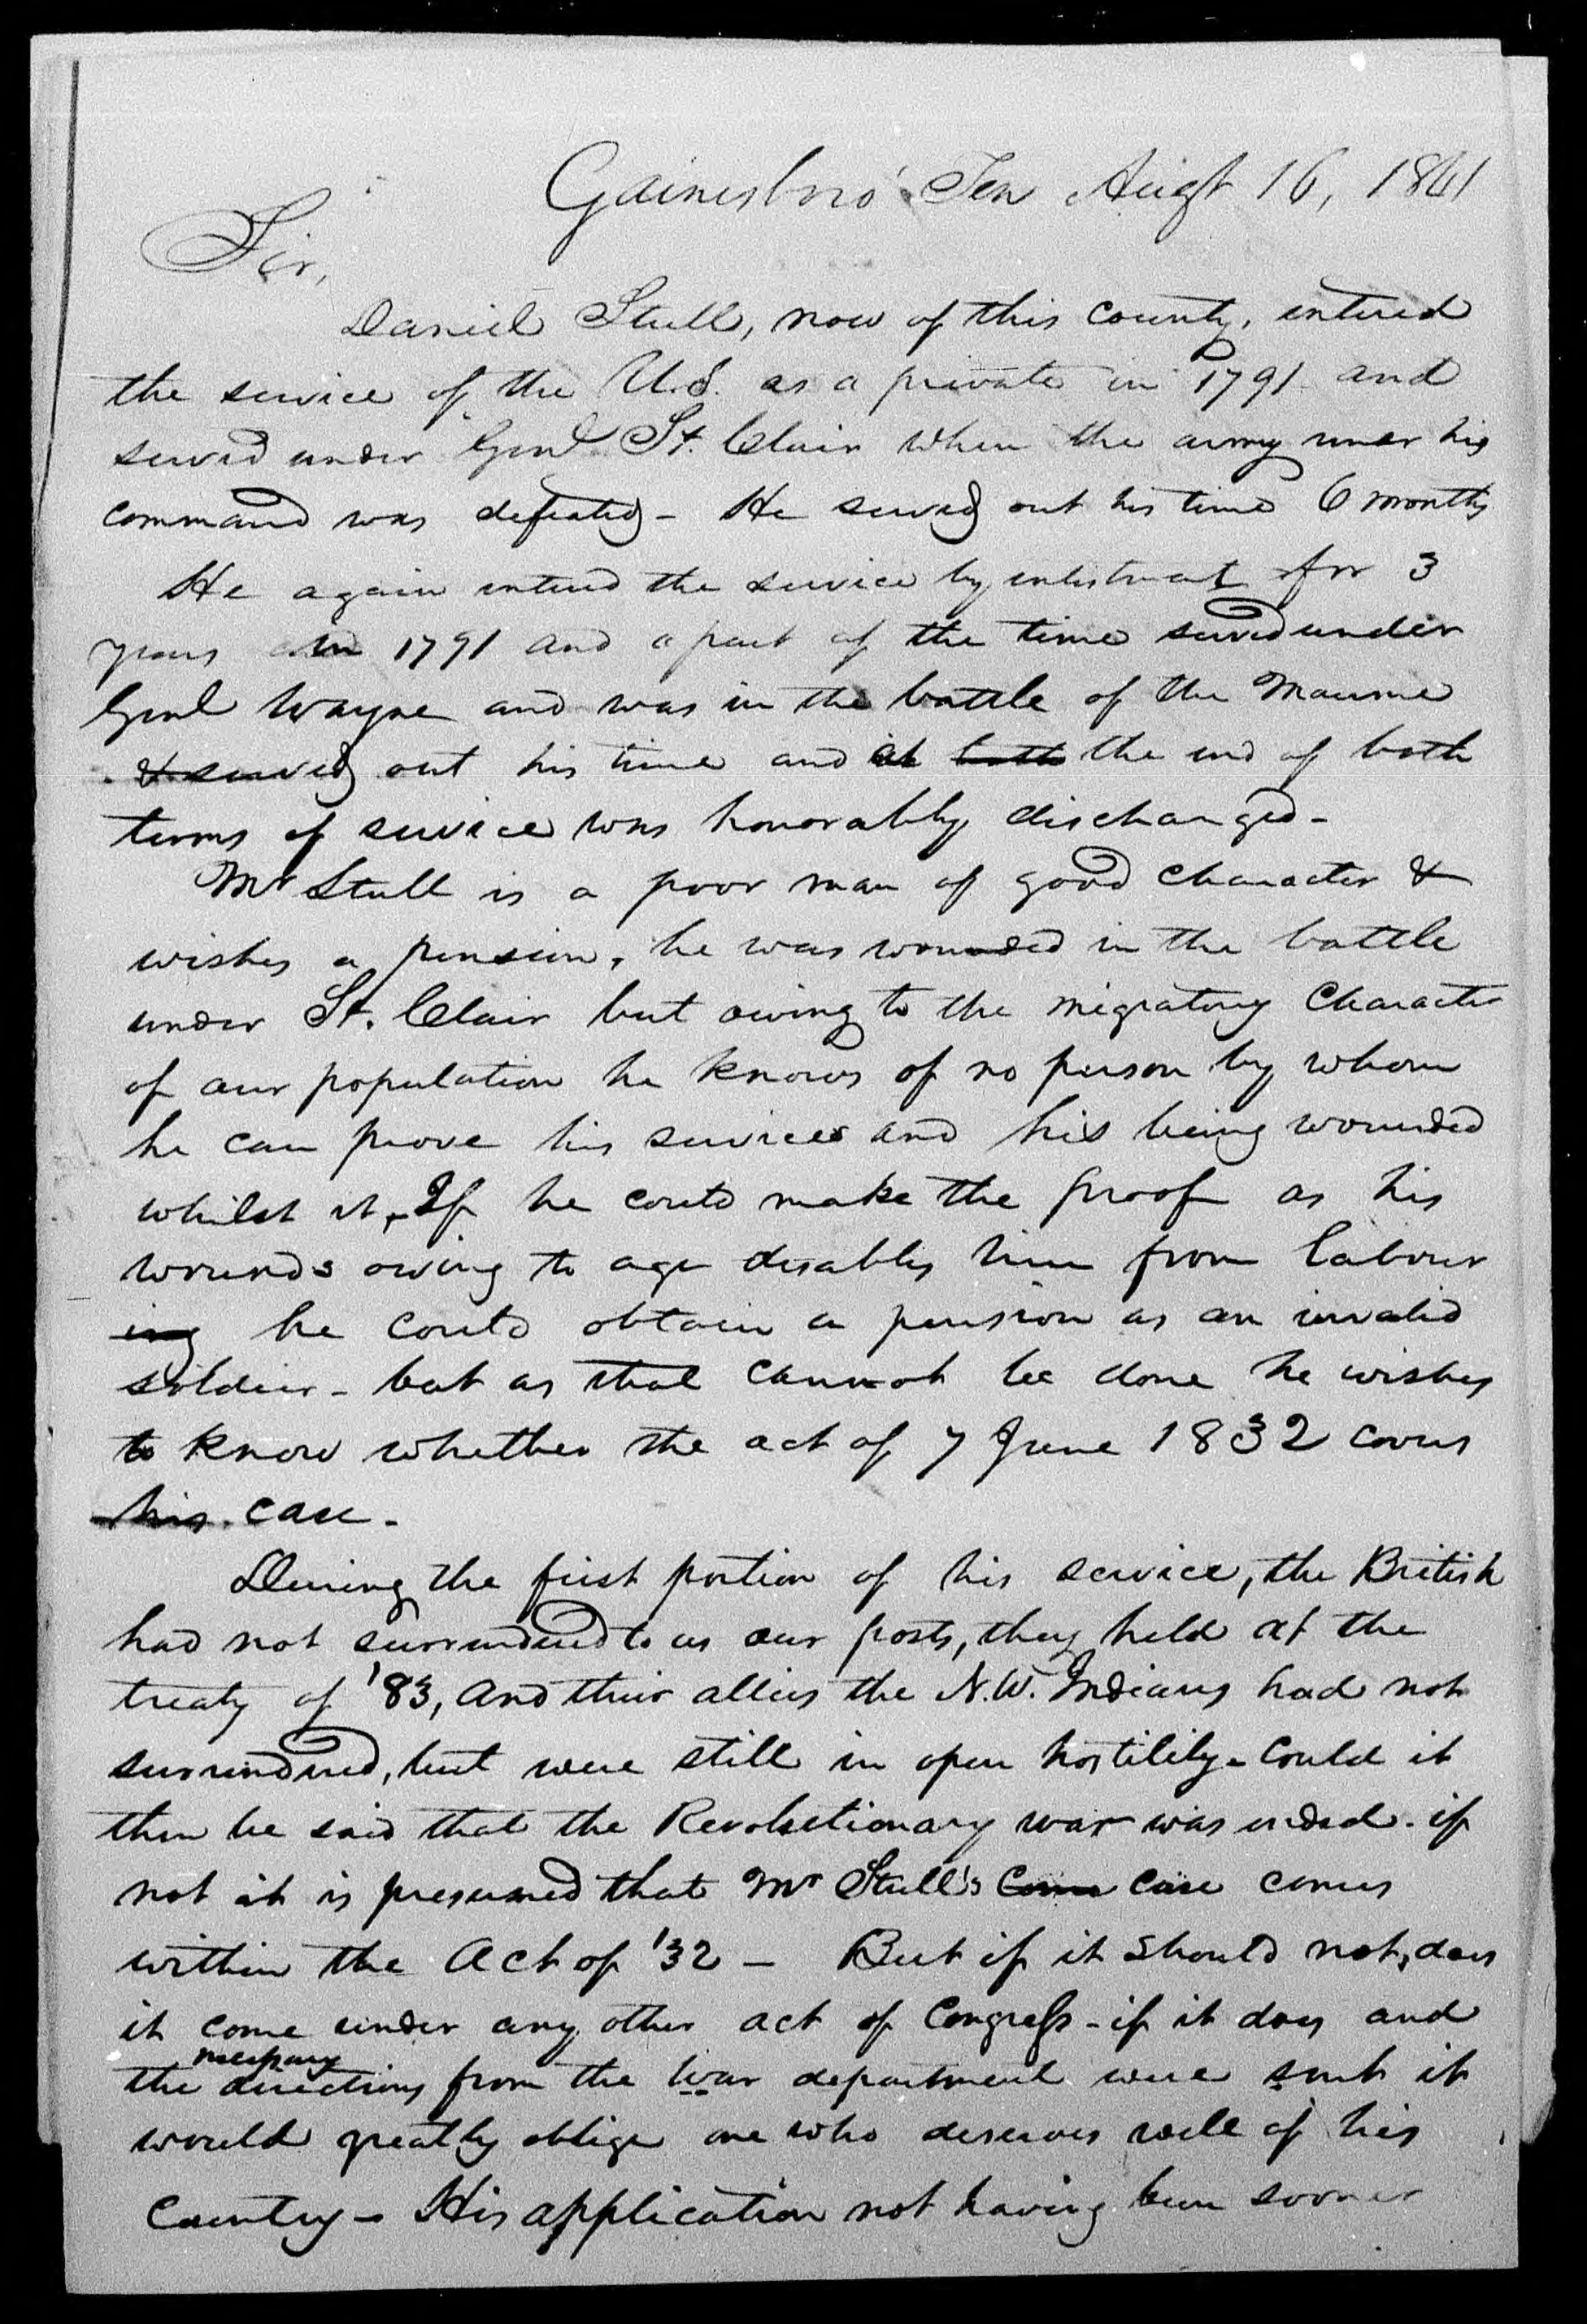Gainesboro Ten [Tennessee] Augt [August] 16, 1841 

Sir,

Daniel Stull, now of this County, entered the service of the U.S. as a private in 1791 and served under Genl St. Clair [General Arthur St. Clair] when the army uner [under] his command was defeated. He served out his time 6 months.

He again entered the service by enlistment for 3 years in 1791 and a part of the time served under Genl Wayne [General Anthony Wayne] and was in the battle of the Maume [Battle of the Maumee August 20, 17940] & served out his time and at the end of both terms of service was honorably discharged-

Mr. Stull is a poor man of good character & wishes a pension, he was wounded in the battle under St. Clair but owing to the migratory Character of our population he knows of no person by whom he can prove his services and his being wounded whilst it. If he could make the proof as his wounds owing to age disablin [disabling] him from labour [labor] he could obtain a pension as an invalid soldier, but as that cannot be done he wishes to know whether the act of 7 June 1832 covers his case.

During the first portion of his service, the British had not surrendered to us our posts, they held at the treaty of ‘83, and their allies the N. W. Indians had not surrendered, but were still in open hostility could it then be said that the Revolutionary war was ended if not it is presumed that Mr. Stull's case comes within the act of ‘32 - But if it should not, does it come under any other act of Congress, if it does and the necessary directions from the war department were sent it would greatly oblige one who deserves well of his Country. His application not having been sooner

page: 17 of 19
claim: rejected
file: R. 5442, for Samuel Hutchison, Virginia